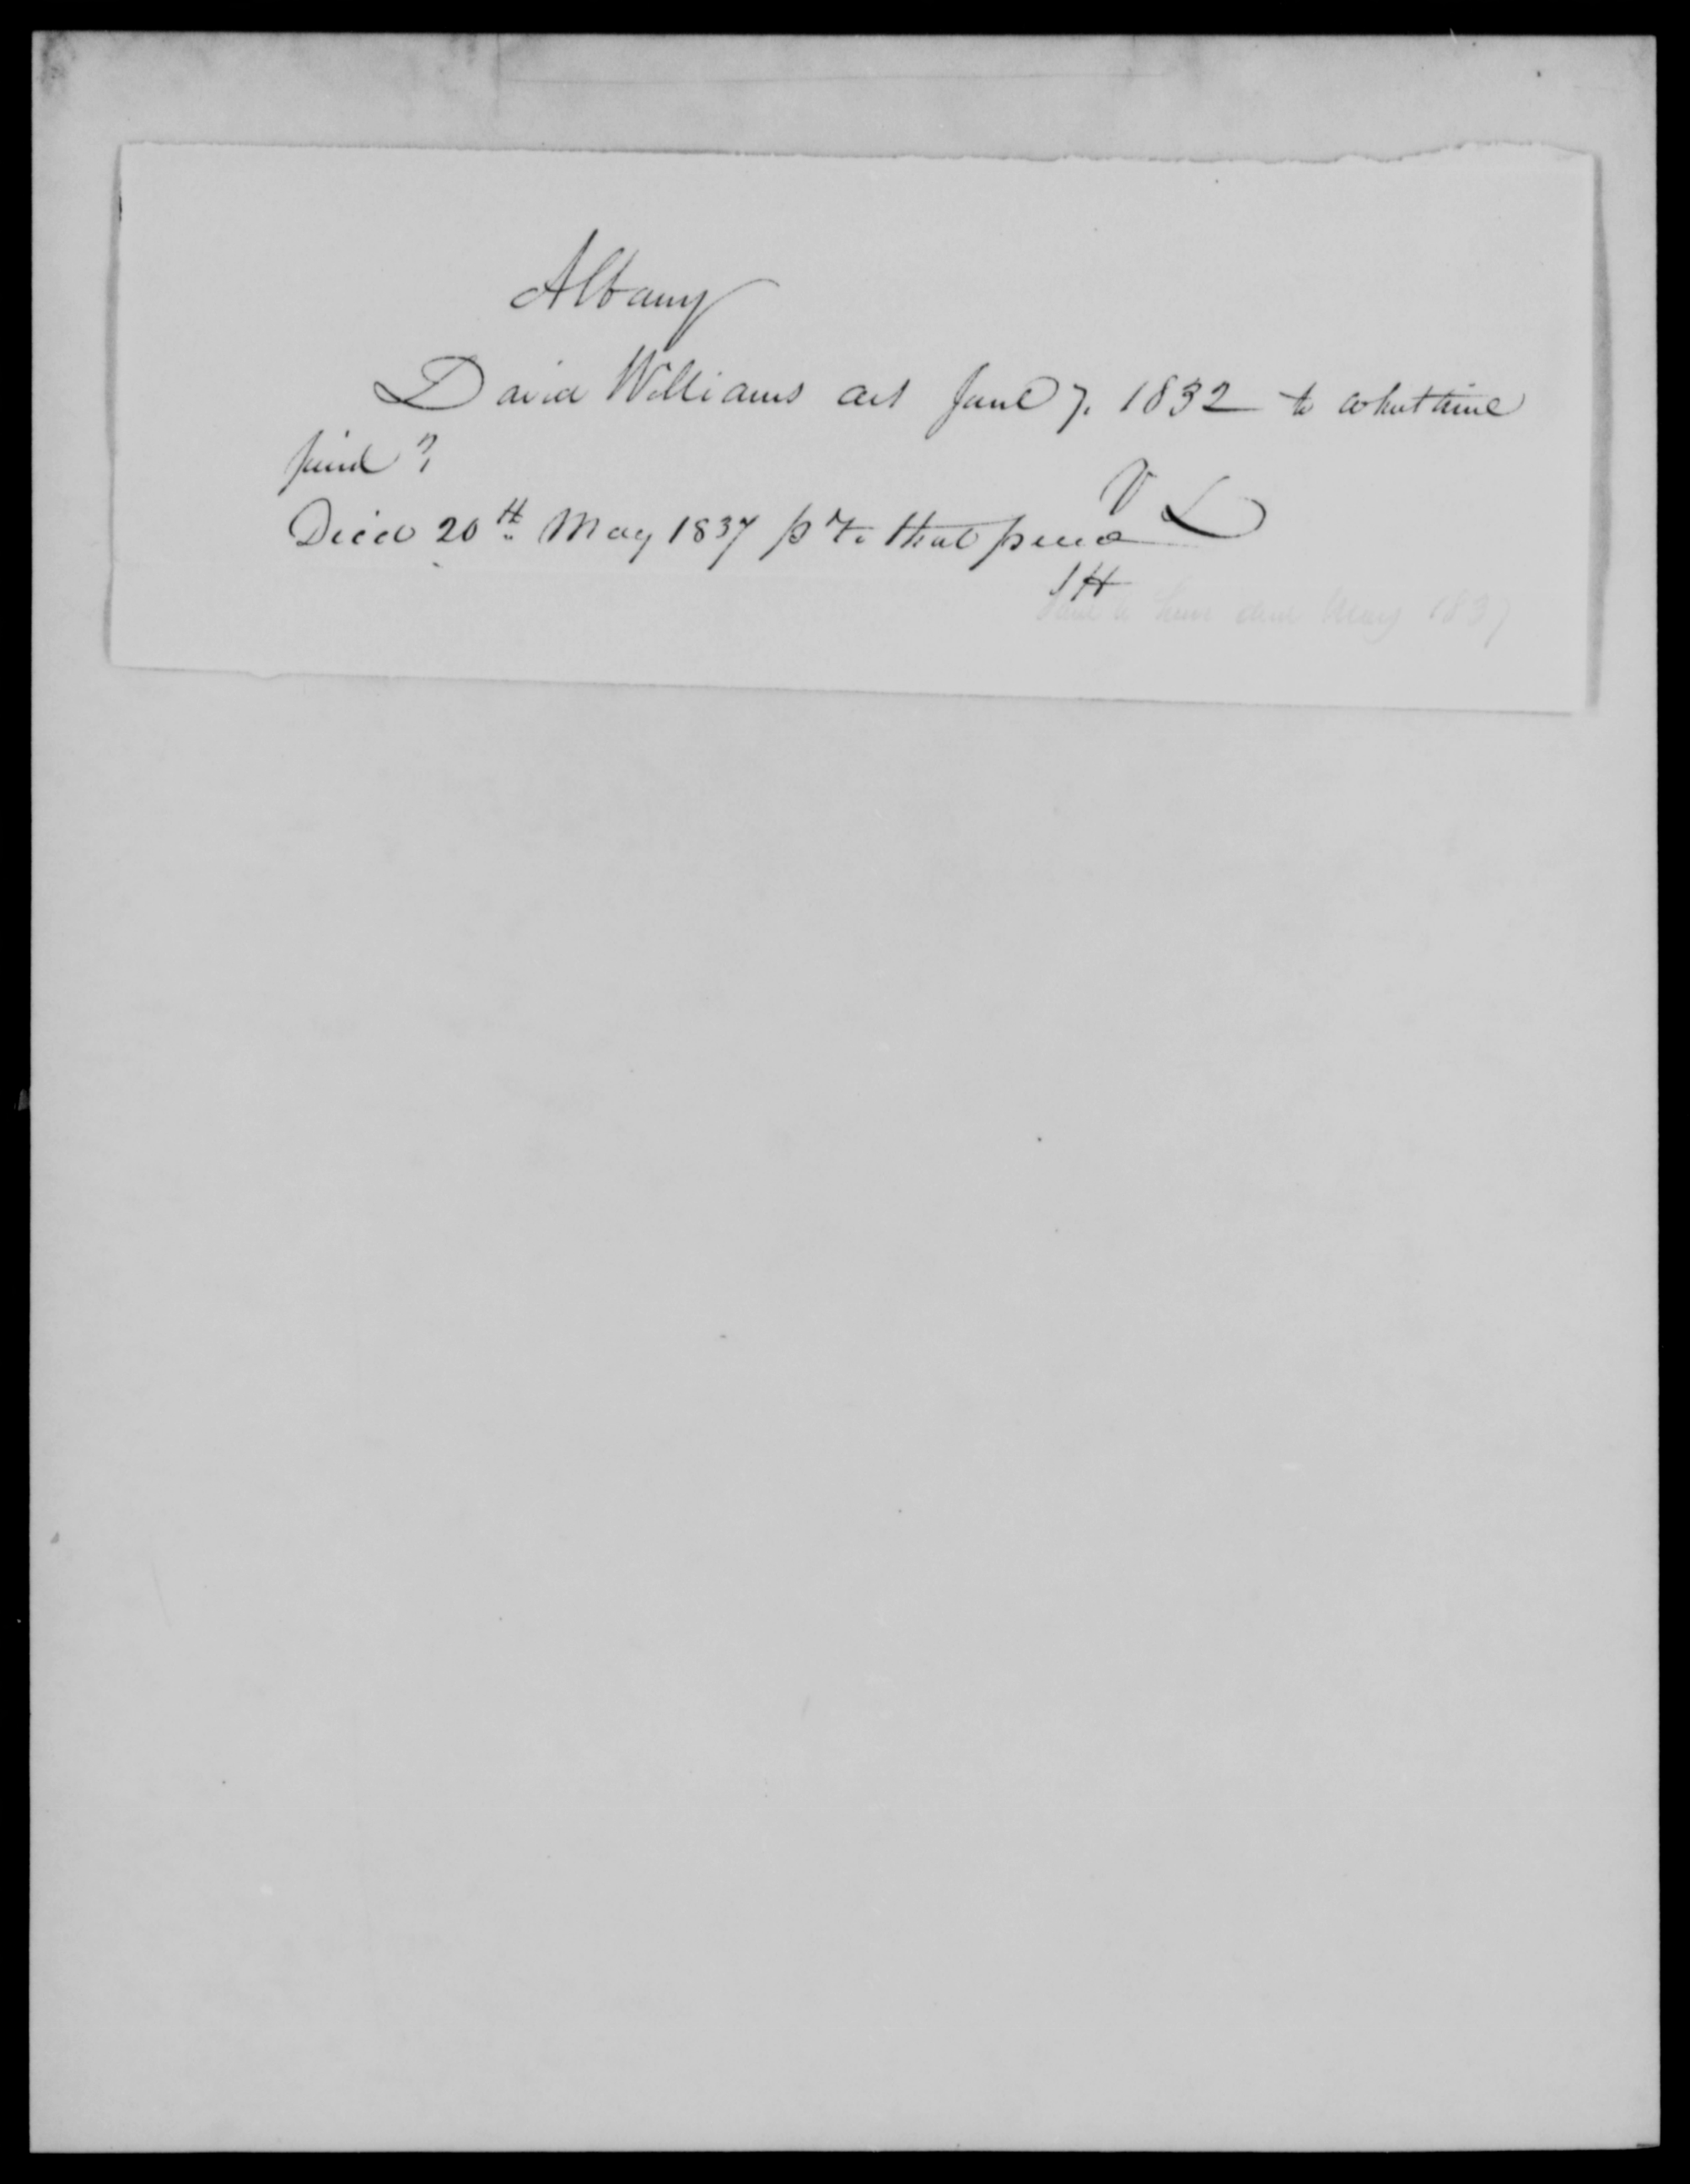Albany
David Williams act June 7 1832 to what time find?
Died 20th May 1837 p 7 that passed
V L
J H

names: David Williams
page: 40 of 63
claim: widow's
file: W. 22,632, David Williams, Conn. Continental Privateer